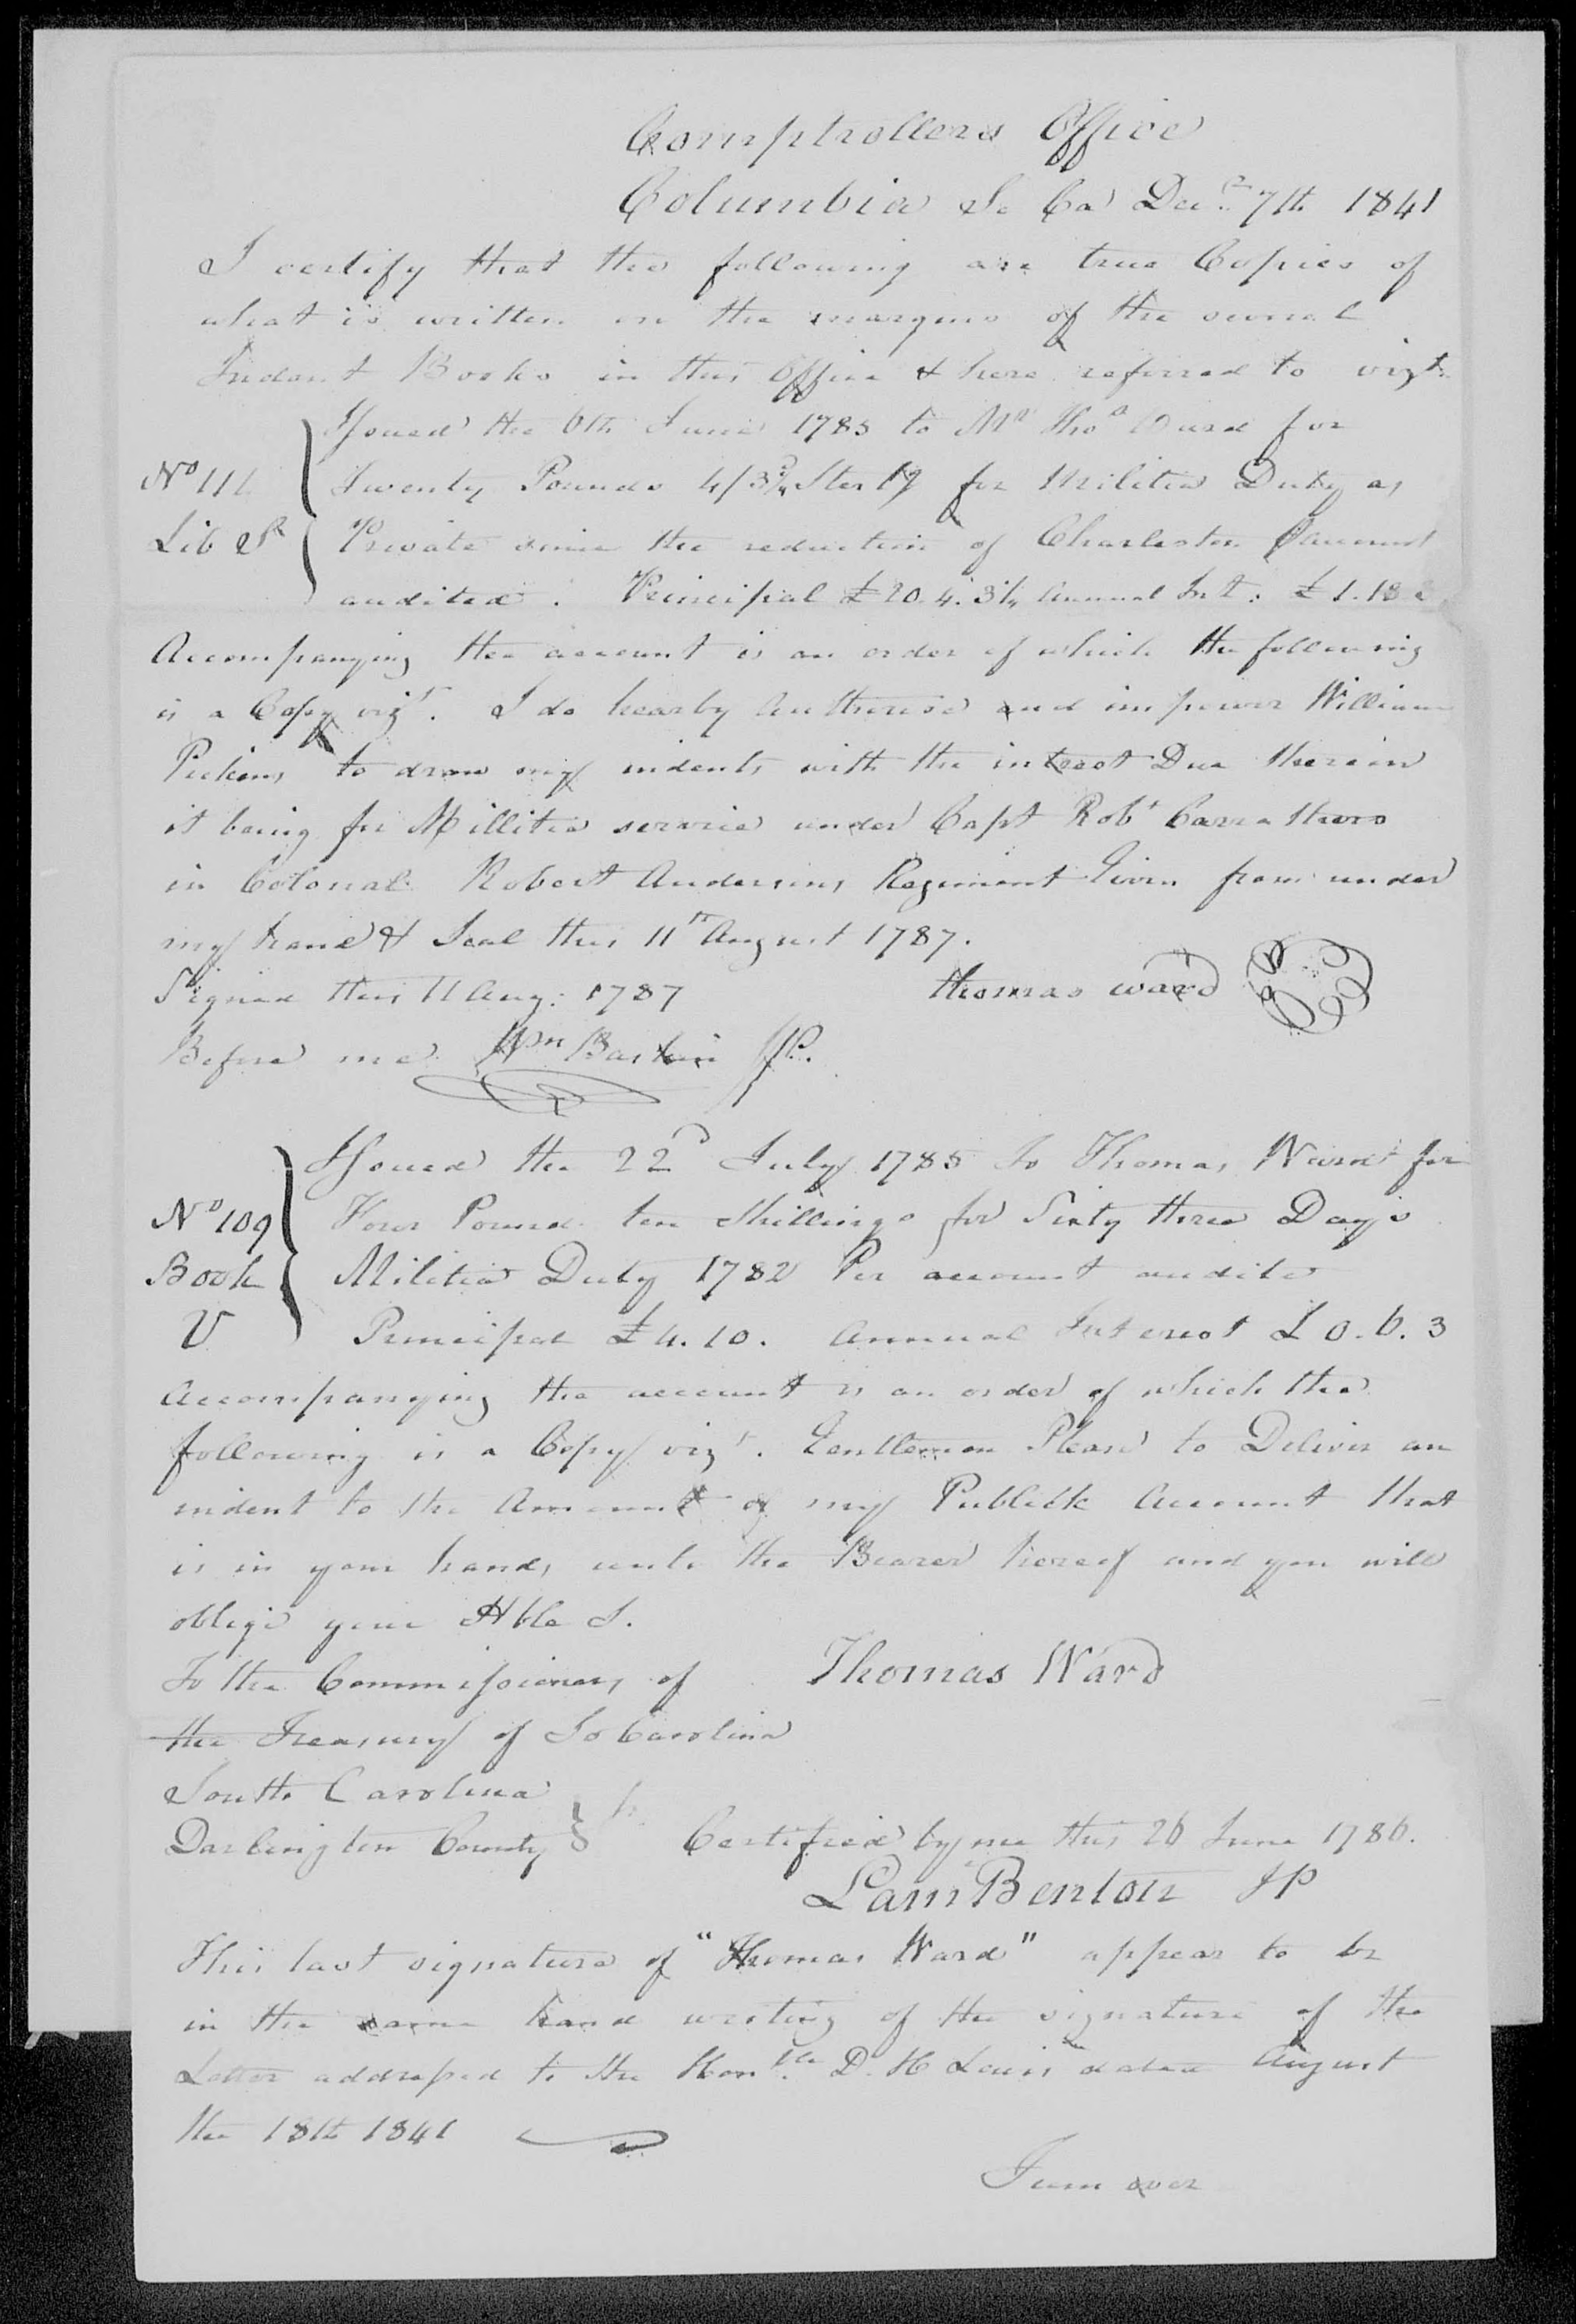Comptrollers Office
Columbia S. Ca. Decr. 7th  1841
I certify that the following are true Copies of what is written in the margins of the several Indent Books in this Office &[and] here referred to vizt.
No  114
Lib  S
I found the 6th June 1785  to Mr Thos Ward for Twenty Pounds 4 / 3 1/4 Sterlg for Militia Duty as Private since the reduction of Charleston account audited. Principal L[British pound symbol] 20. 4. 3 1/4 Annual Int:  L[British pound symbol] 1. 18. 3
Accompanying the account is an order of which the following is a Copy viz t.  I do hereby Authorise  and impower William Pickens to draw any indents with the interest Due therein it being for Militia services under Capt Robt Carrothers in Colonal Robert Andersons Regiment  Given from under my hand &[and] Seal this 11th August 1787.
Thomas Ward      [circular seal beside name]
Signed this 11 Aug:  1787
Before me.  Wm. Barkin J P.


No. 109
Book V
I found the 22d July 1785    To Thomas Ward for Four Pounds  ten  Shillings for Sixty three Days Militia Duty 1782   Per  account audited Principal   L[British pound symbol] 4. 10.   Annual Interest L[British pound symbol] 0.6.3  Accompanying the account is an order of which the following is a Copy. viz t.  Gentlemen Please to Deliver an indent to the Amount of my Publick Account that is in your hands unto the Bearer hereof and you will oblige your Hble S.    Thomas Ward
To the Commissioner of the Treasury of So  Carolina
South Carolina 
Darlington County S S.   Certified by me this 26 June 1786.
Lam Benton. JP
This last signature of "Thomas Ward" appear to be in the same hand writing of the signature of the Letter addressed to the Honble. D. H. Lewis dated August the 18th 1841
I am over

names: Robt Carrothers, Thomas Ward, Thomas Ward, William Perkins, Lam Benton, Thos Ward, D H Lewis, Thomas Ward, Wm Barkin, Thomas Ward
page: 12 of 31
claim: survivor's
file: S. 14802, Thomas Ward, S.C.